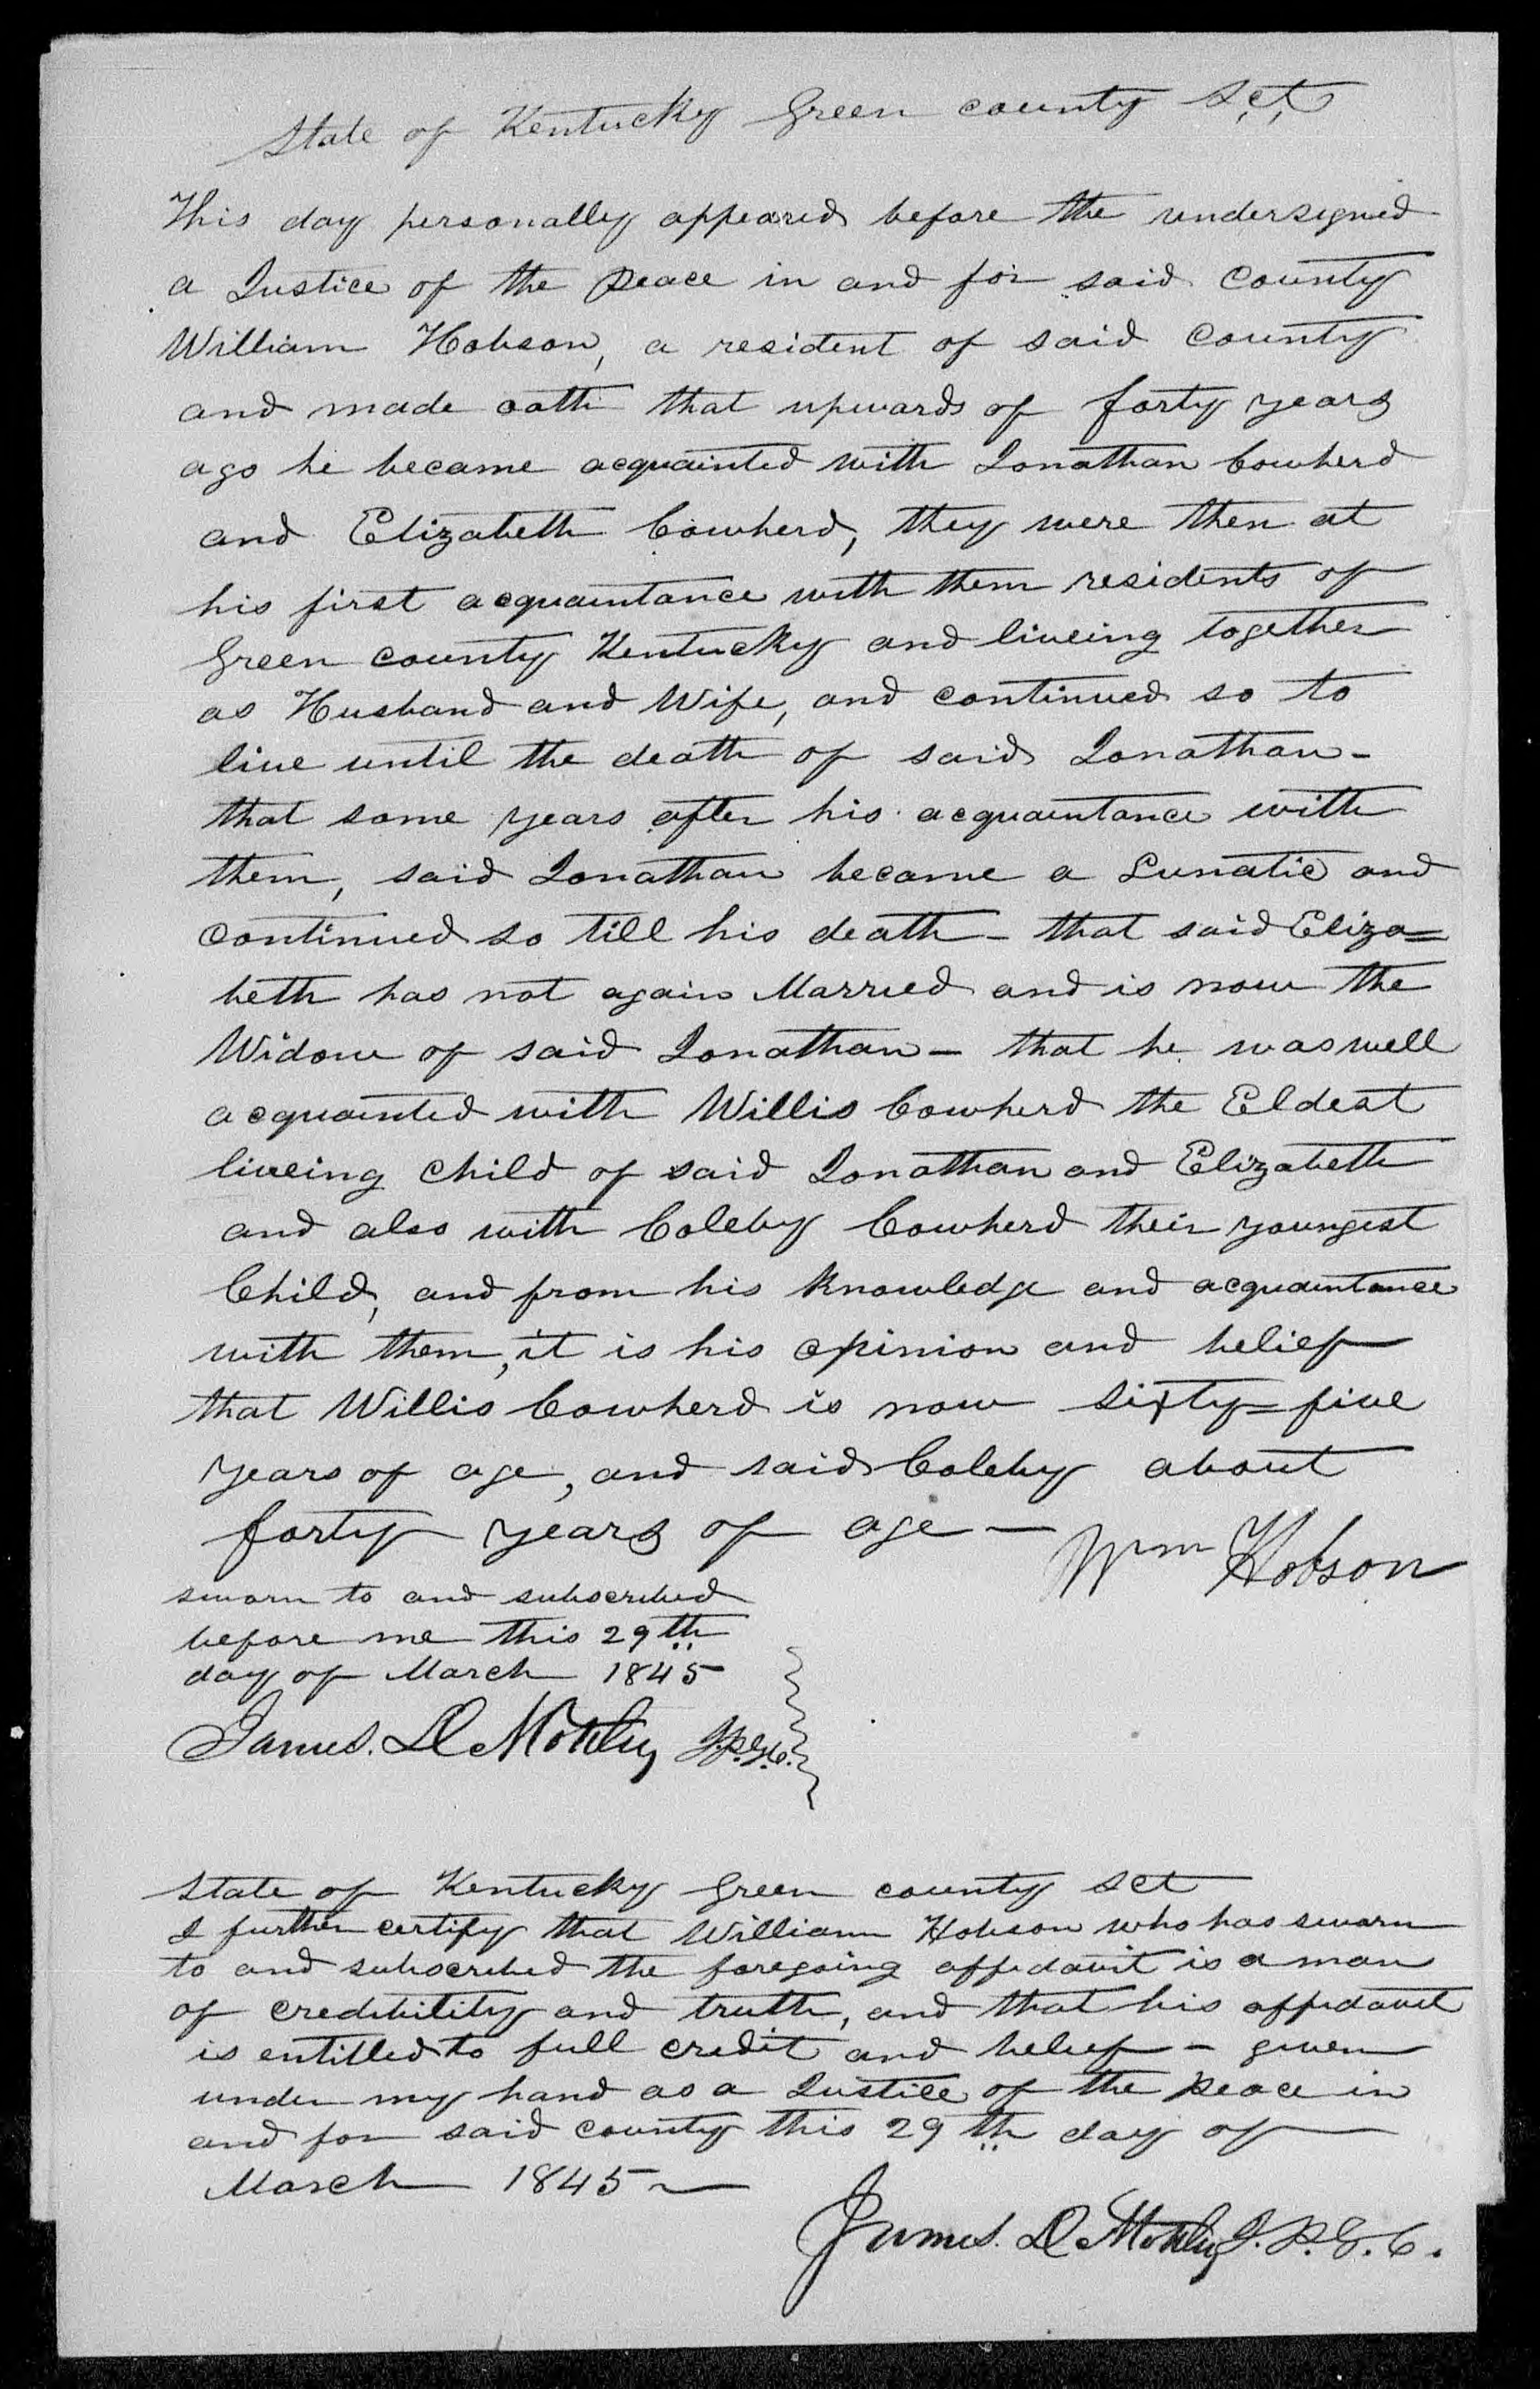State of Kentucky Green County Sct
This day personally appeared before the undersigned a Justice of the Peace in and for said County William Hobson, a resident of said County and made oath that upwards of forty years ago he became acquainted with Jonathan Cowherd and Elizabeth Cowherd, they were then at his first acquaintance with them residents of Green County Kentucky and living together as Husband and Wife, and continued so to live until the death of said Jonathan that some years after his acquaintance with them,  said Jonathan became a Lunatic and continued so till his death - that said Elizabeth has not again Married and is now the Widow of said Jonathan - that he was well acquainted with Willis Cowherd the Eldest living child of said Jonathan and Elizabeth and also with Coleby Cowherd their youngest Child, and from his knowledge and acquaintance with them, it is his opinion and belief that Willis Cowherd is now sixty-five years of age, and said Coleby about forty years of age
Wm Hobson

sworn to and subscribed be fore me this 29th
day of March 1845
James D Montey J. P. G. C. [Justice of the Peace Green County]

State of Kentucky Green County Sct
I further certify that William Hobson who has sworn to and subscribed the foregoing affidavit is a man of credibility and truth, and that his affidavit is entitled to full credit and belief. given under my hand as a Justice of the peace in and for said County this 29th day of March 1845-
James D Montey J. P. G.C. Justice of the Peace Green County]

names: Jonathan Cowherd, Coleby Cowherd, William Hobson, Willis Cowherd, Jonathan, Jonathan, Elizabeth Cowherd, Elizabeth, William Hobson, Willis Cowherd, Elizabeth, Jonathan, Wm Hobson, Jonathan, Coleby, James D Mottley, James D Mottley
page: 24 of 46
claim: widow's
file: W 8619, Jonathan Cowherd, Va.